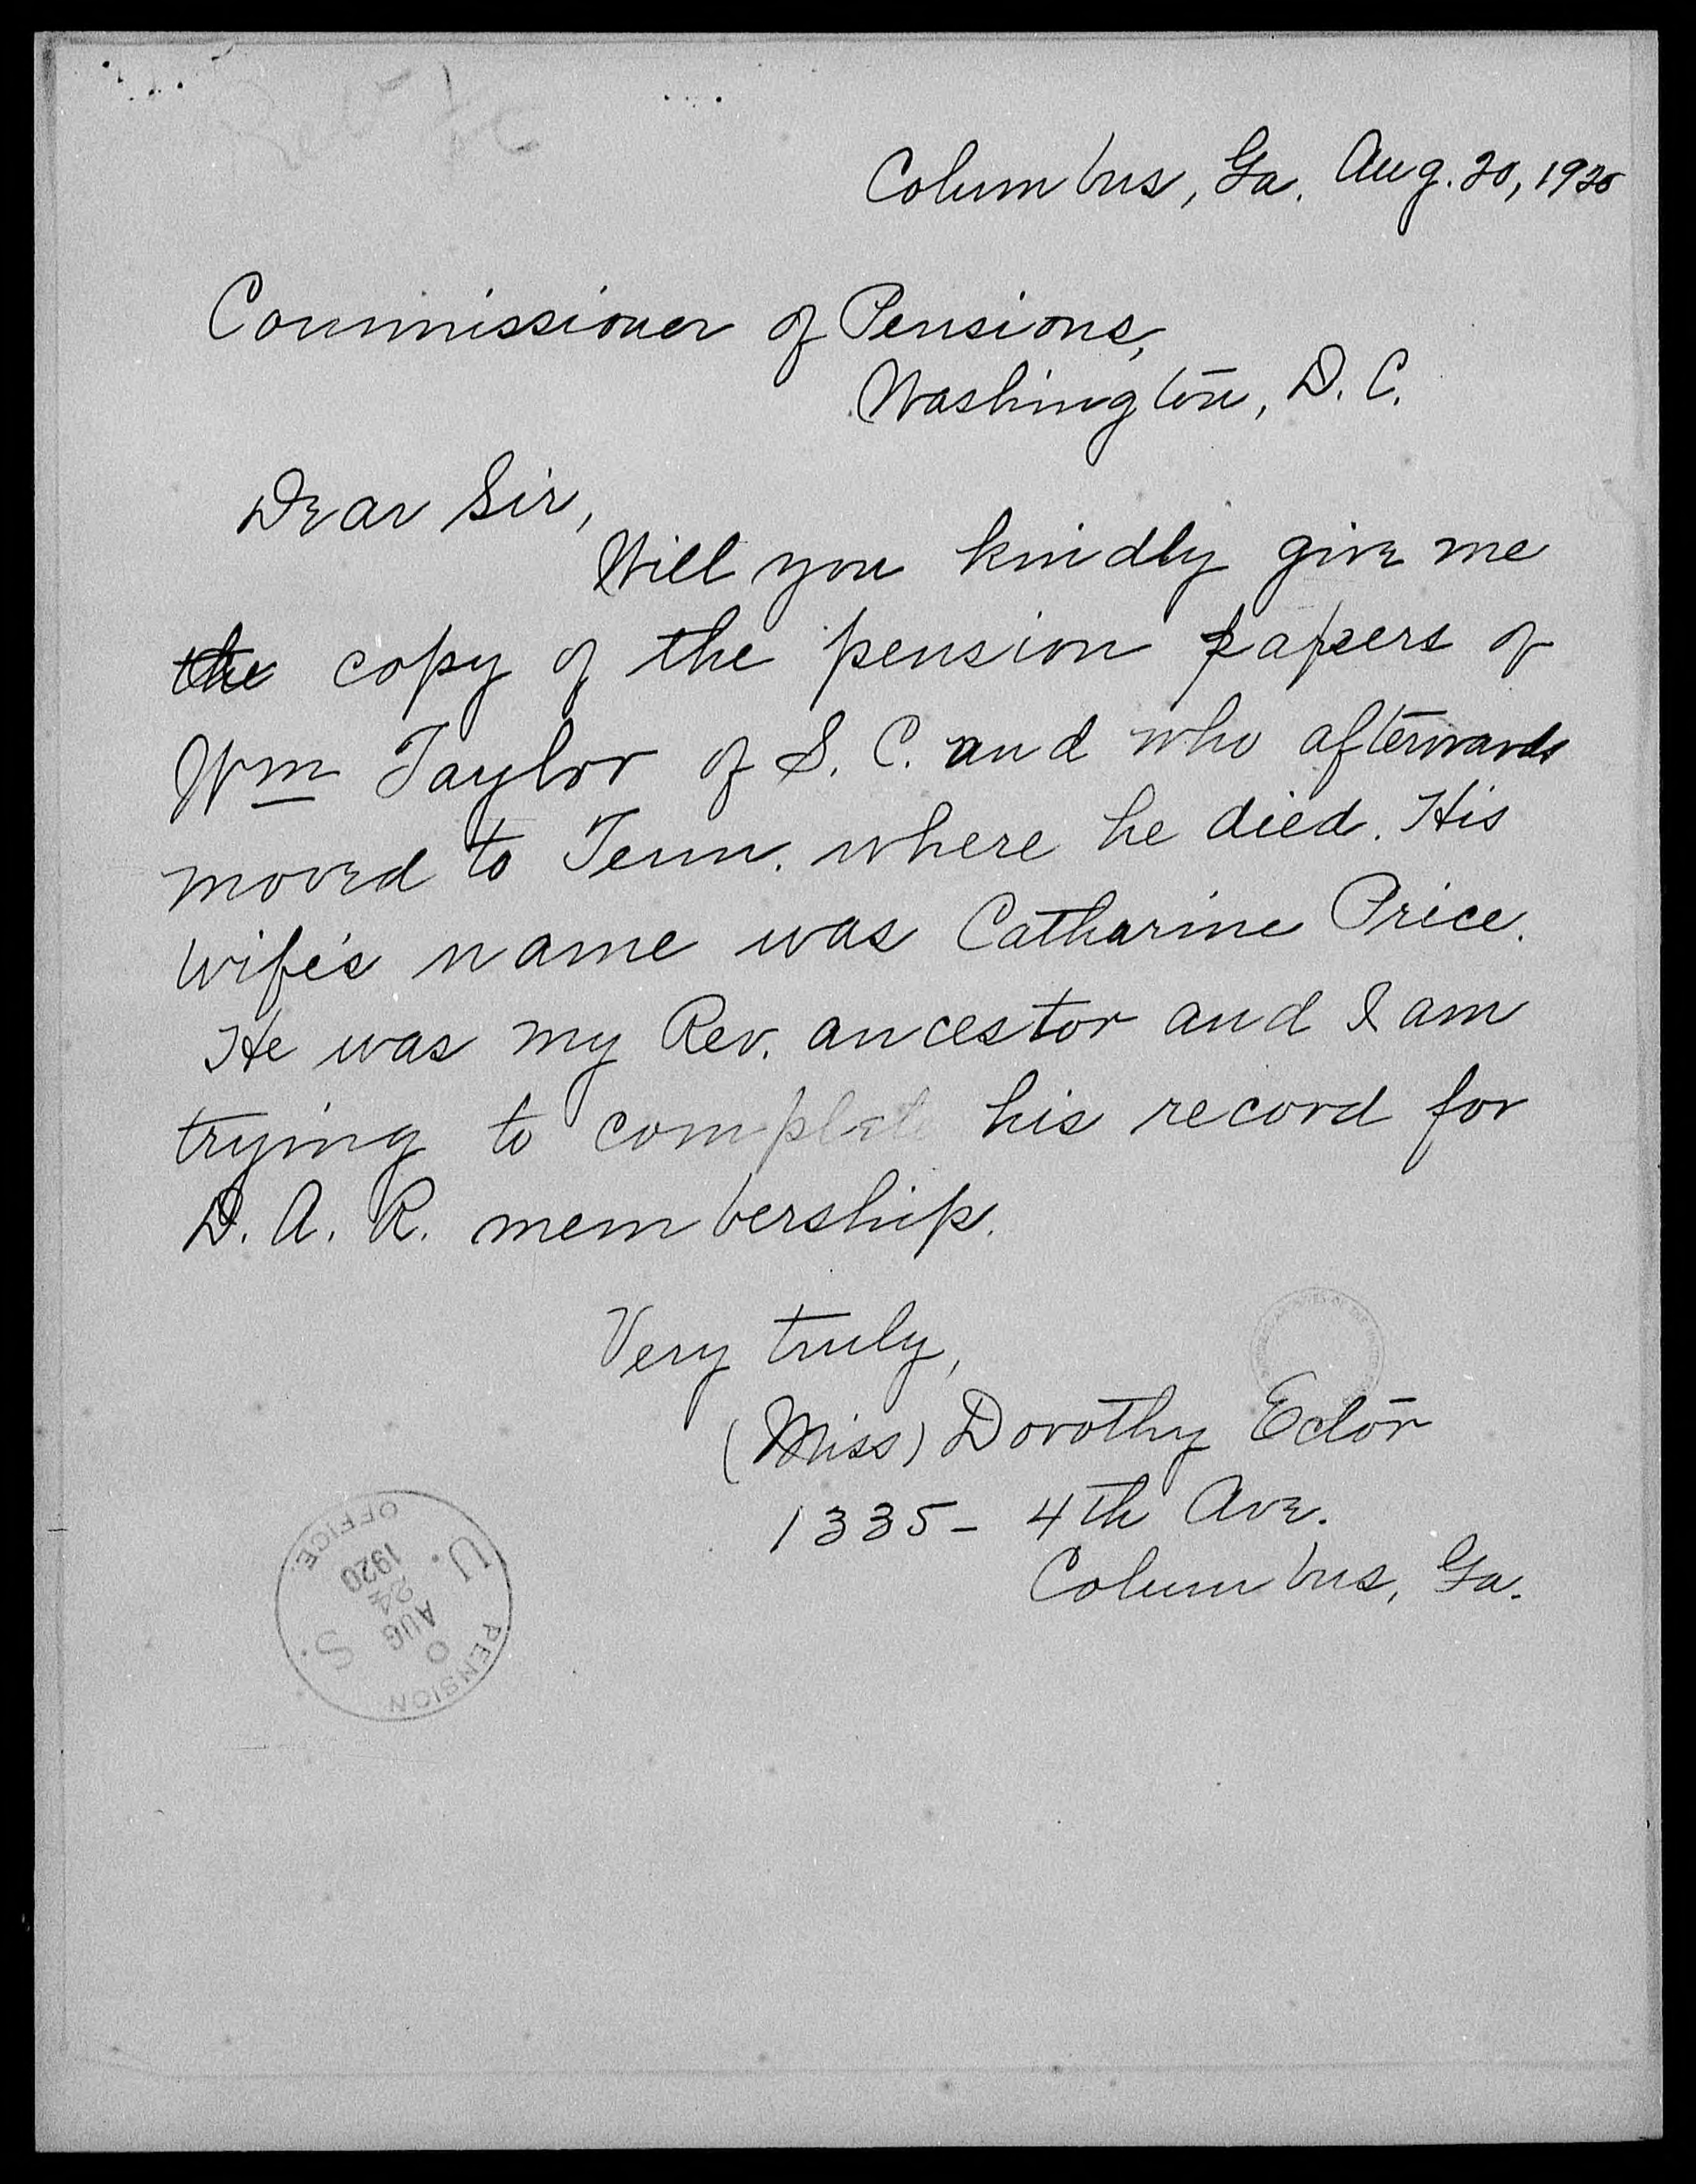Columbus, Ga. Aug. 20, 1920
Commissioner of Pensions
Washington, D.C.

Dear Sir,
Will you kindly give me a copy of the pension papers of Wm Taylor of S.C. and who afterwards moved to Tenn. where he died. His wife's name was Catharine Price. He was my Rev. ancestor and I am trying to complete his record for D. A. R. Membership.
Very truly
(Miss) Dorothy Ector
1335-4th Ave.
Columbus, Ga.

[stamp] THE NATIONAL ARCHIVES OF THE UNITED STATES
[stamp] U.S. PENSION OFFICE O AUG 24 1920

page: 15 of 33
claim: rejected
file: R 10439, for William Taylor, North Carolina